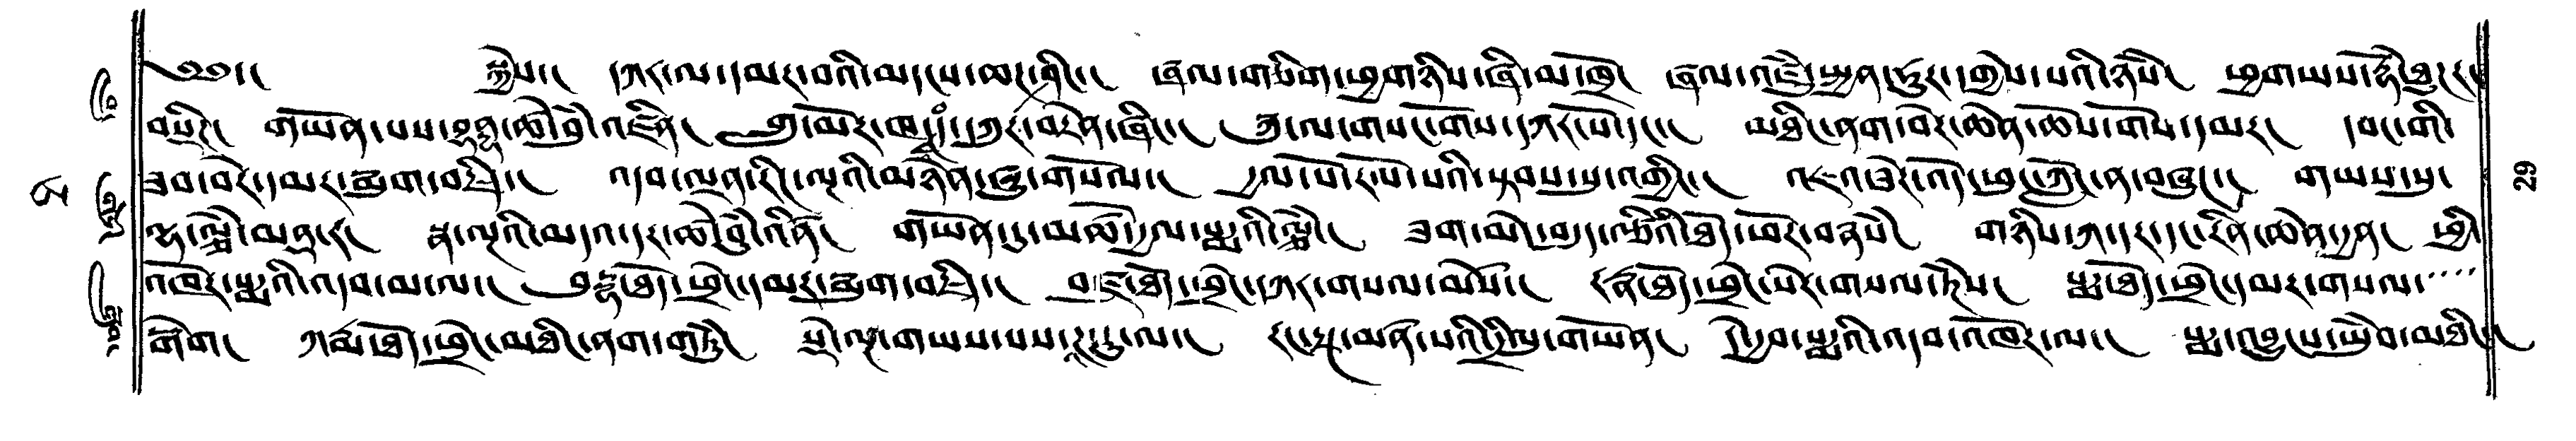སྐྱེས། །དཀར་ལ་དམར་བའི་མདངས་ཆགས་ཤིང་། །ཞལ་གཅིག་ཕྱག་གཉིས་ཞི་མ་ཁྲོ། །ཞལ་འཛུམ་སྤྱན་ཧུར་དགྱེས་པའི་ཉམས། །ཕྱག་གཡས་རྡོ་རྗེ་ཐུགས་ཀར་
བསྡིགས། །གཡོན་པས་བྷནྡྷ་ཚེ་བུམ་འཛིན། གྲུ་མོར་ཁཱ་ཊྭཾ་དཀུར་བརྟེན་ཞིང་། །སྐུ་ལ་གསང་གོས་དཀར་པོ་དང་། །མཐིང་ནག་བེར་ཆེན་ཆོས་གོས་དམར། །དབང་གི་
ཟབ་བེར་དམར་སྨུག་བརྗིད། །འདབ་ལྡན་རིགས་ལྔའི་མཉེན་ཞུ་གསོལ། །རྒྱལ་པོ་རོལ་པའི་སྟབས་སུ་འགྱིང་། །འཇའ་ཟེར་འོད་ཕུང་ཀློང་ན་བཞུགས། །གཡས་སུ་
ལྷ་ལྕམ་མནྡ་ར། །སྣ་ལྔའི་མདའ་དར་ཚེ་བུམ་འཛིན། །གཡོན་དུ་མཚོ་རྒྱལ་པདྨའི་ལྕམ། །ཟག་མེད་བདུད་རྩིའི་ཐོད་ཕོར་བསྣམས། །གཉིས་ཀ་དར་དང་རིན་ཆེན་རྒྱན། ཕྱི་
འཁོར་པདྨའི་འདབ་མ་ལ། །བུདྡྷ་ཐོད་ཕྲེང་དམར་སྨུག་བརྗིད། །བཛྲ་ཐོད་ཕྲེང་དཀར་གསལ་མཛེས། །རཏྣ་ཐོད་ཕྲེང་སེར་གསལ་རྔམས། །པདྨ་ཐོད་ཕྲེང་དམར་གསལ་
སྒེག །ཀརྨ་ཐོད་ཕྲེང་མཐིང་ནག་གཏུམ། །སྡེ་ལྔ་གཡས་པས་ཌཱ་རུ་ལ། །རང་རྟགས་མཚན་པའི་དྲིལ་བུ་གཡོན། །དེ་རྒྱབ་པདྨའི་འདབ་འཁོར་ལ། པདྨ་འབྱུང་གནས་ཡབ་ཡུམ་མཐིང་།